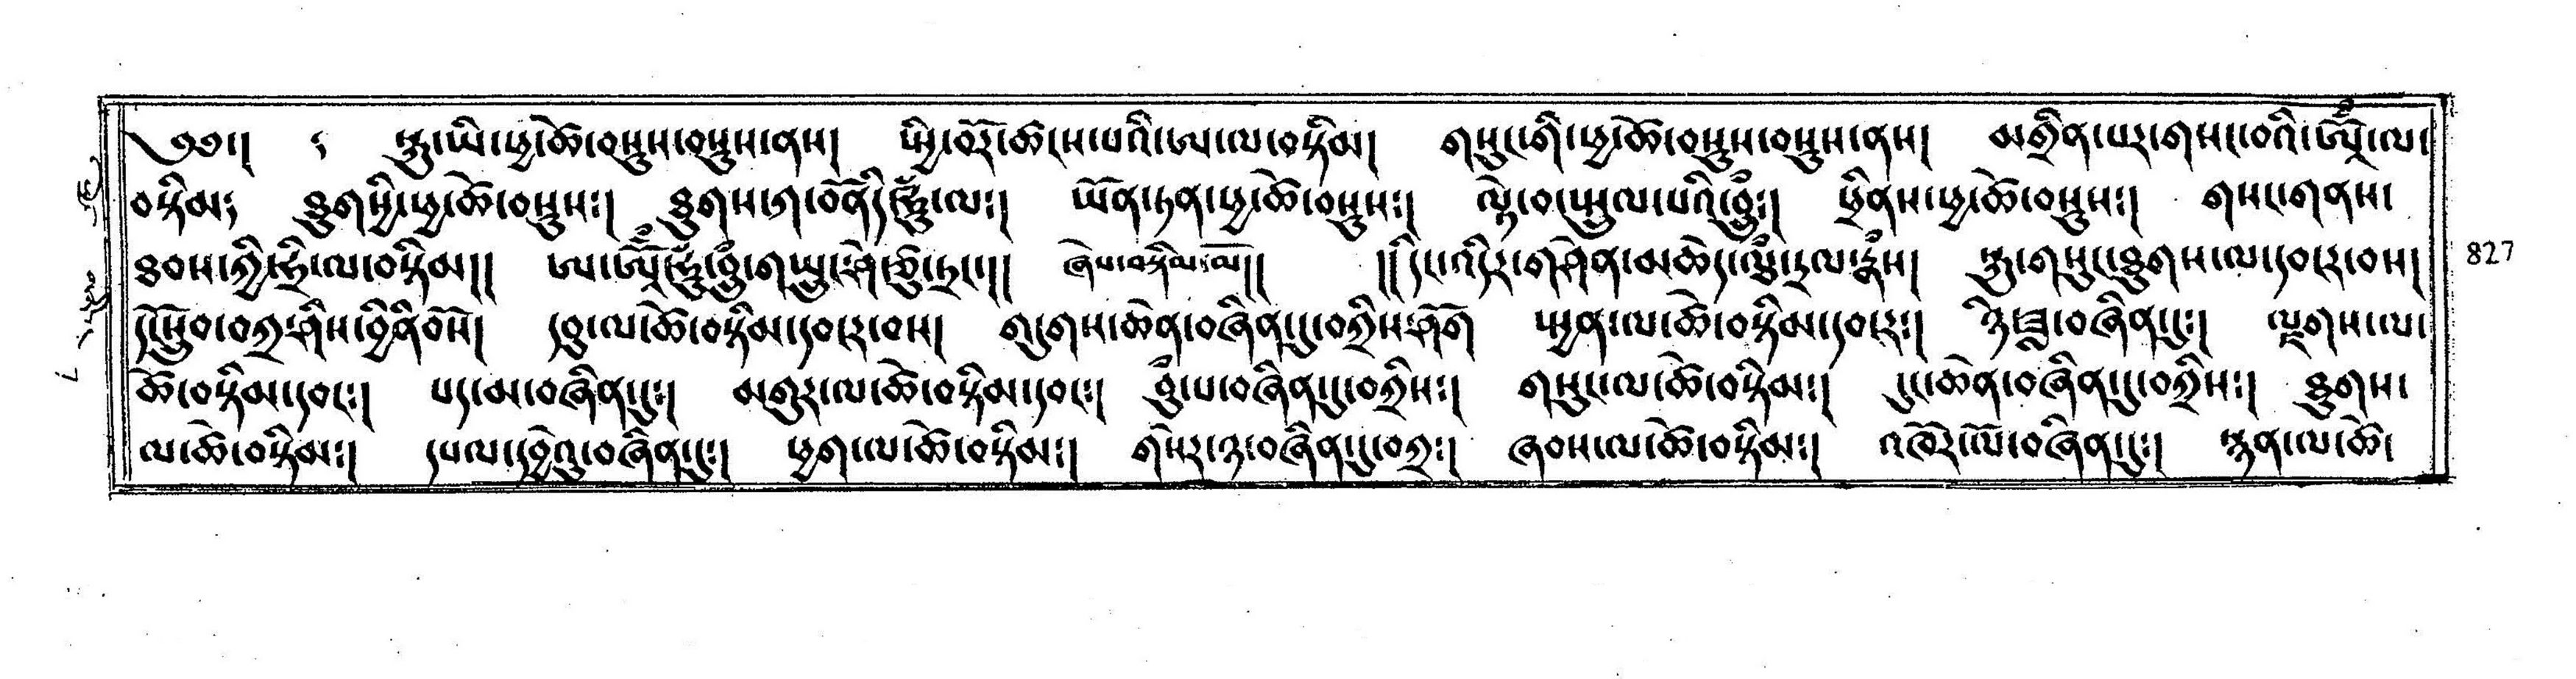སྐུ་ཡི་ཕྱ་ཚེ་བསྡུས་བསྡུས་ནས། སྤྱི་བོར་ཚངས་པའི་ཨ་ལ་བསྟིམ། གསུང་གི་ཕྱ་ཚེ་བསྡུས་བསྡུས་ནས། མགྲིན་པར་གསང་བའི་ཨཱོཾ་ལ་
བསྟིམ། ཐུགས་ཀྱི་ཕྱ་ཚེ་བསྡུས༴། ཐུགས་ཀ་བོན་ཉིད་ཧཱུྃ་ལ༴། ཡོན་ཏན་ཕྱ་ཚེ་བསྡུས༴། ལྟེ་བ་སྤྲུལ་པའི་བྲུཾ༴། ཕྲིན་ལས་ཕྱ་ཚེ་བསྡུས༴། གསང་གནས་
ཐབས་ཀྱི་ཧྲི་ལ་བསྟིམ།། ཨ་ཨཱོཾ་ཧཱུྃ་བྲུཾ་གཡུང་དྲུང་ཤེ་ཙུ་ཏྲང་།། ཞེས་བསྟིམ་མོ།། །།དིང་འདིར་གཤེན་མཆེད་ལྕམ་དྲལ་རྣམས། སྐུ་གསུང་ཐུགས་ལ་དབང་བསྐུར་བས། 
དངོས་གྲུབ་བཀྲ་ཤིས་བྱིན་གྱིས་རློབས། དབུ་ལ་ཚེ་བསྟིམ་དབང་བསྐུར་བས། གདུགས་ཆེན་བཞིན་དུ་བཀྲ་ཤིས་ཤོག སྤྱན་ལ་ཚེ་བསྟིམ་དབང་བསྐུར༴། ཉི་ཟླ་བཞིན་དུ༴། ལྗགས་ལ་
ཚེ་བསྟིམ་དབང་༴། པད་མ་བཞིན་དུ༴། མགུར་ལ་ཚེ་བསྟིམ་དབང་༴། བུམ་པ་བཞིན་དུ་བཀྲ་ཤིས༴། གསུང་ལ་ཚེ་བསྟིམ༴། དུང་ཆེན་བཞིན་དུ་བཀྲ་ཤིས༴། 
ཐུགས་ལ་ཚེ་བསྟིམ༴། དཔལ་དབྱེའུ་བཞིན་དུ༴། ཕྱག་ལ་ཚེ་བསྟིམ༴། གསེར་ཉ་བཞིན་དུ་བཀྲ༴། ཞབས་ལ་ཚེ་བསྟིམ༴། འཁོར་ལོ་བཞིན་དུ༴། སྙན་ལ་ཚེ་